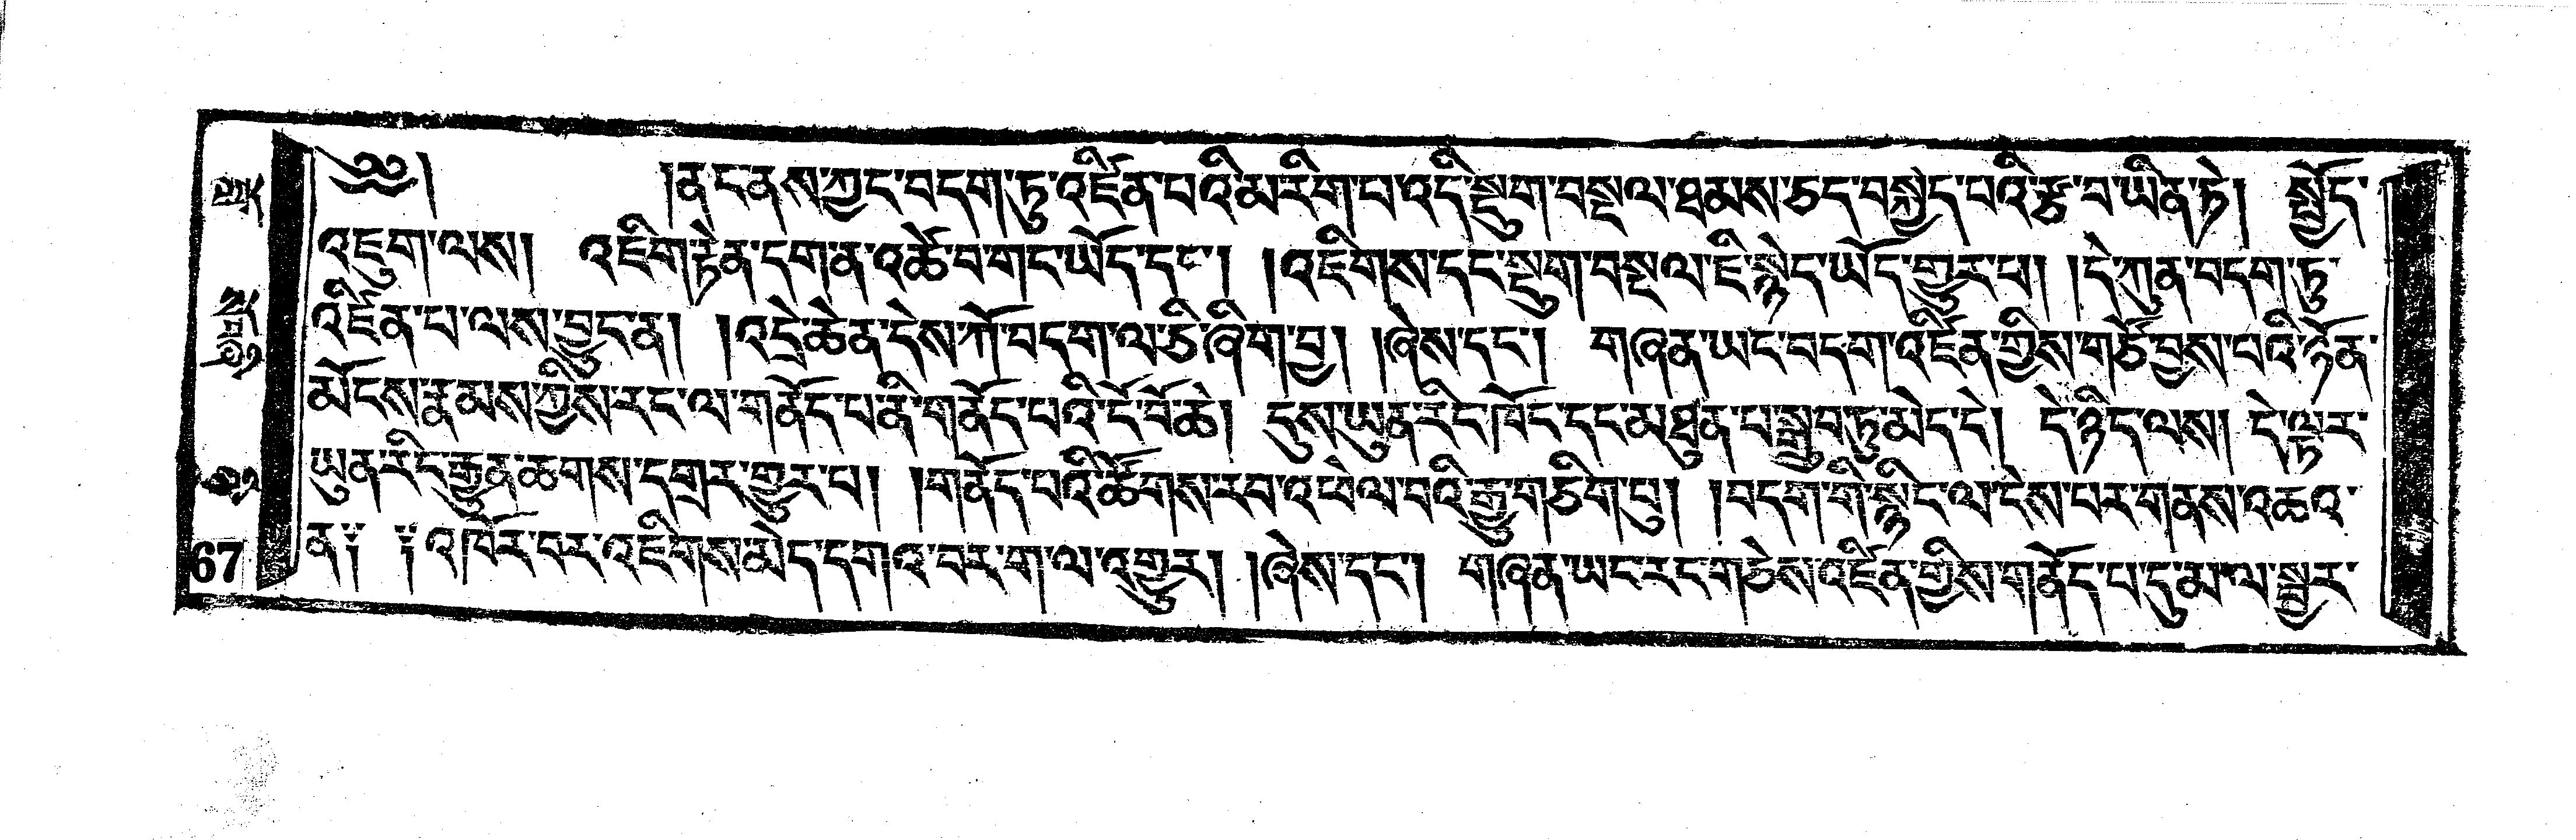༄༅། །ནང་ནས་ཀྱང་བདག་ཏུ་འཛིན་པའི་མ་རིག་པ་འདི་སྡུག་བསྔལ་ཐམས་ཅད་བསྐྱེད་པའི་རྩ་བ་ཡིན་ཏེ། སྤྱོད་
འཇུག་ལས། འཇིག་རྟེན་དག་ན་འཚེ་བ་གང་ཡོད་དང་། །འཇིགས་དང་སྡུག་བསྔལ་ཇི་སྙེད་ཡོད་གྱུར་པ། །དེ་ཀུན་བདག་ཏུ་
འཛིན་པ་ལས་བྱུང་ན། །འདྲེ་ཆེན་དེས་ཀོ་བདག་ལ་ཅི་ཞིག་བྱ། །ཞེས་དང་། གཞན་ཡང་བདག་འཛིན་གྱིས་གཙོ་བྱས་པའི་ཉོན་
མོངས་རྣམས་ཀྱིས་རང་ལ་གནོད་པ་ནི་གནོད་པའི་ངོ་བོ་ཆེ། དུས་ཡུན་རིང་ཁོང་དང་མཐུན་པ་སྒྲུབ་ཏུ་མེད་དེ། དེ་ཉིད་ལས། དེ་ལྟར་
ཡུན་རིང་རྒྱུན་ཆགས་དགྲར་གྱུར་པ། །གནོད་པའི་ཚོགས་རབ་འཕེལ་བའི་རྒྱུ་གཅིག་པུ། །བདག་གི་སྙིང་ལ་ངེས་པར་གནས་འཆའ་
ན༑ ༑འཁོར་བར་འཇིགས་མེད་དགའ་བར་ག་ལ་འགྱུར། །ཞེས་དང་། གཞན་ཡང་རང་གཅེས་འཛིན་གྱིས་གནོད་པ་དུ་མ་ལ་སྦྱར་